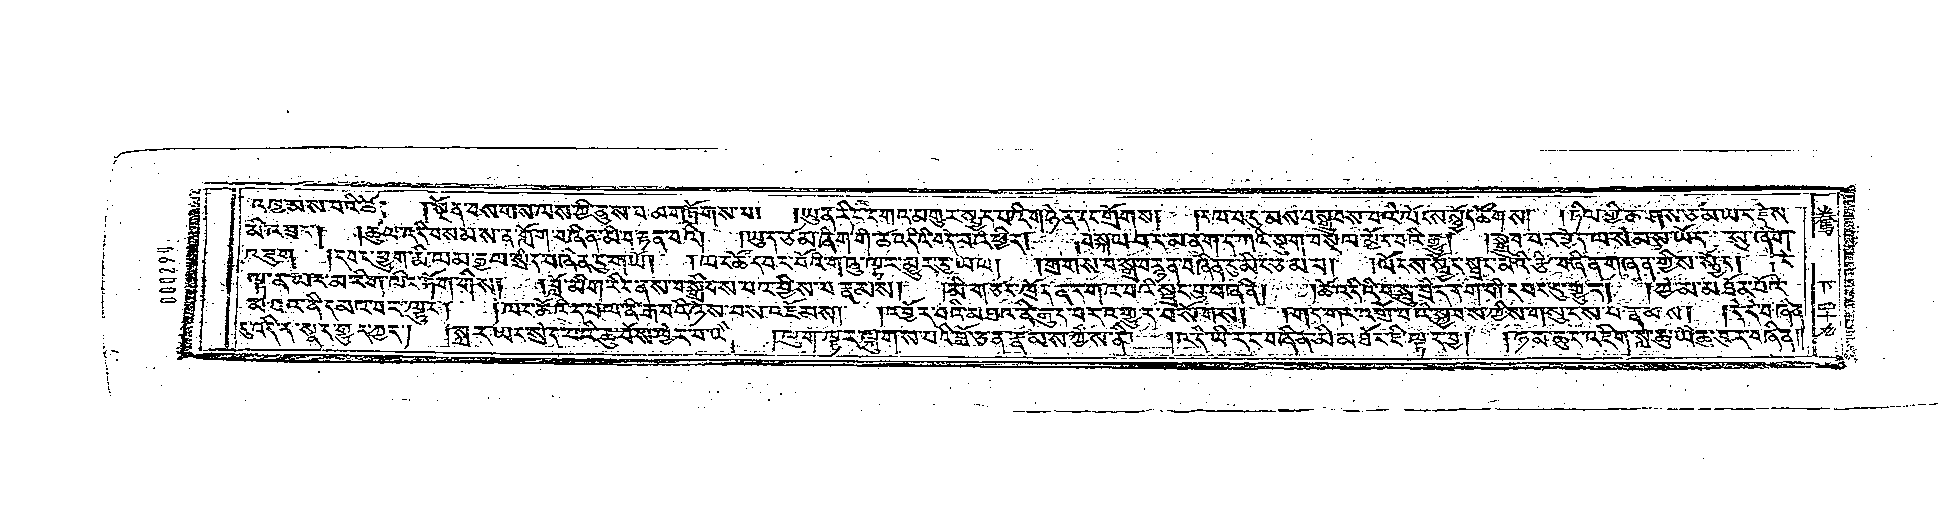འཁྱམས་པའི་ཚེ། །སྔོན་བསགས་ཀྱི་ནུས་པ་མ་གཏོགས་པ། །ཡུན་རིང་དགའ་མགུར་སྤྱད་པའི་གཉེན་དང་གྲོགས། །དལ་བ་དུ་མས་བསྒྲུབས་པའི་ལོངས་སྦྱོད་ཚོགས། །ཏིལ་གྱི་ཆ་ཤས་ཙམ་ཡང་རྗེས་
མི་འབྲང་། །ཚུལ་འདི་བསམས་ན་གློག་བཞིན་མི་བརྟན་པའི། །ཡུད་ཙམ་ཞིག་གི་ཆོ་འདིའི་བདེ་བའི་ཕྱིར། །བསྐལ་བར་མ་ནག་དཀའི་སྡུག་བསྔལ་མྱོང་བའི་རྒྱུ། །སྒྲུབ་པར་བྱེད་ལ་སེམས་ཡོང་སུ་ཞིག་
འཇུག །དབང་ཕྱུག་རྨི་ལམ་རྒྱལ་སྲིད་བཞིན་དུ་གཡོ། །ལང་ཚོ་དབང་པོའི་གཞུ་ལྟར་མྱུར་དུ་ཡལ། །གྲགས་བ་སྒྲ་བརྙན་བཞིན་དུ་མིང་ཙམ་པ། །ལོངས་སྤྱོད་སྦྲང་མའི་རྩི་བཞིན་གཞན་གྱིས་སྤྱོད། །དེ་
ལྟ་ན་ཡང་མ་རིག་ལིང་ཏོག་གིས། །བློ་མིག་རིང་ནས་བསྒྲིབས་པའི་བྱིས་པ་རྣམས། །མི་གཙང་ཁྲོན་ན་དགའ་བའི་སྦྲང་བུ་བཞིན། །ཚེ་འདིའི་བརླུ་བྲིད་དག་གི་དབང་དུ་གྱུར། །ཀྱེ་མ་མཐོན་པོའི་
མཐའ་ནི་དམའ་བར་ལྟུང་། །ལང་ཚོའི་དཔལ་ནི་རྒ་བའི་ཉེས་པས་འཇོམས། །འབྱོར་བའི་མཐའ་ནི་རྒུད་བར་འགྱུར་བ་སོགས། །གང་གང་འགྲོ་བའི་སྐྱབས་ཀྱིས་གསུངས་པ་རྣམས། །དེ་དེ་བཞིན་
དུ་འདི་ན་སྣང་གྱུར་ཀྱང་། །སླར་ཡང་སྲེད་བའི་ཆུ་བོས་ཁྱེར་བ་ཡི། །ལུག་ལྟར་ལྐུགས་པའི་བློ་ཅན་རྣམས་ཀྱིས་ནི། །འདི་ཡི་རང་བཞིན་མི་མཐོང་ཇི་ལྟར་བྱ། །ཉམ་ཆུང་འཇིག་སླ་ཆུ་ཡི་ཆུ་བུར་བཞིན།།